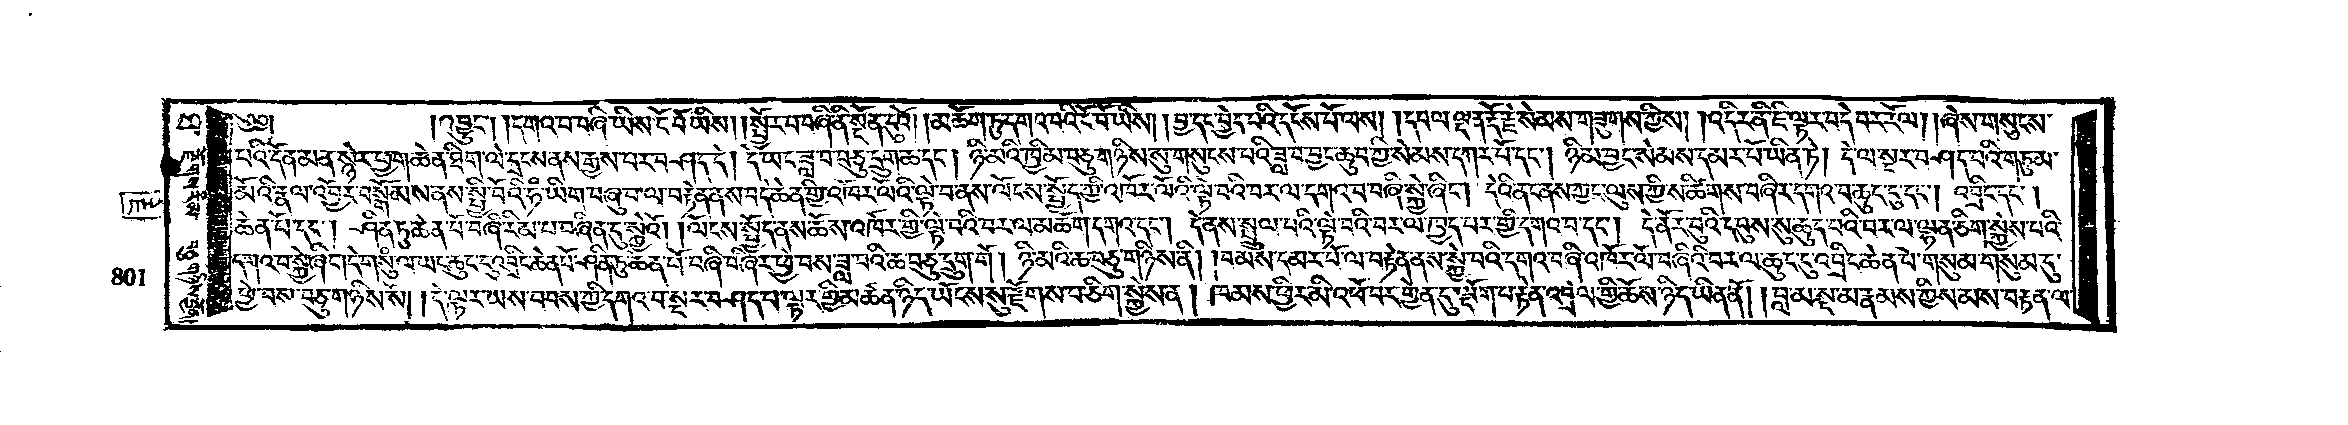༄༅། །འབྱུང་། །དགའ་བ་བཞི་ཡིས་ངོ་བོ་ཡིས། །སྦྱོར་བ་བཞི་ནི་སྔོན་དུའོ། །མཆོག་ཏུ་དགའ་བའི་ངོ་བོ་ཡིས། བྱ་དང་བྱེད་པའི་དངོས་པོ་ལས། དཔལ་ལྡན་རྡོ་རྗེ་སེམས་གཟུགས་ཀྱིས། །འདིར་ནི་ཇི་ལྟར་བདེ་བར་རོལ། །ཞེས་གསུངས་
པའི་དོན་མན་སྙེར་ཕྱག་ཆེན་ཐིག་ལེ་དྲངས་ནས་རྒྱས་བར་བཤད་དེ། དེ་ཡང་ཟླ་བ་བཅུ་དྲུག་ཆ་དང་། ཉི་མའི་ཁྱིམ་བཅུ་གཉིས་སུ་གསུངས་པའི་ཟླ་བ་བྱང་ཆུབ་ཀྱི་སེམས་དཀར་པོ་དང་། ཉི་མ་བྱང་སེམས་དམར་པོ་ཡིན་ཏེ། དེ་ལ་སྔར་བཤད་པའི་གཏུམ་
མོའི་རྣལ་འབྱོར་བསྒོམས་ནས་སྤྱི་བོའི་ཧཾ་ཡིག་བཞུ་བ་ལ་བརྟེན་ནས་བདེ་ཆེན་གྱི་འཁོར་ལོའི་ལྟེ་བ་ནས་ལོངས་སྤྱོད་ཀྱི་འཁོར་ལོའི་ལྟེ་བའི་བར་ལ་དགའ་བ་བཞི་སྐྱེ་ཞིང་། དེའི་ནང་ནས་ཀྱང་ལུས་ཀྱི་ས་ཚིགས་བཞིར་དགའ་བ་ཆུང་ངུ་དང་། འབྲིང་དང་།
ཆེན་པོ་དང་། ཤིན་ཏུ་ཆེན་པོ་བཞི་རིམ་པ་བཞིན་དུ་སྐྱེའོ། །ལོངས་སྤྱོད་ནས་ཆོས་འཁོར་གྱི་ལྟེ་བའི་བར་ལ་མཆོག་དགའ་དང་། དེ་ནས་སྤྲུལ་པའི་ལྟེ་བའི་བར་ལ་ཁྱད་པར་གྱི་དགའ་བ་དང་། དེ་ནོར་བུའི་དབུགས་སུ་ཆུད་པའི་བར་ལ་ལྷན་ཅིག་སྐྱེས་པའི་
དགའ་བ་སྐྱེ་ཞིང་། དེ་གསུམ་ལ་ཡང་ཆུང་ངུ་འབྲིང་ཆེན་པོ་ཤིན་ཏུ་ཆེན་པོ་བཞི་བཞིར་ཕྱེབས་ཟླ་བའི་ཆ་བཅུ་དྲུག་གོ །ཉི་མའི་ཆ་བཅུ་གཉིས་ནི། །བམས་དམར་པོ་ལ་བརྟེན་ནས་སྐྱེ་བའི་དགའ་བཞི་འཁོར་ལོ་བཞིའི་བར་ལ་ཆུང་ངུ་འབྲིང་ཆེན་པོ་གསུམ་གསུམ་དུ་
ཕྱེ་བས་བཅུ་གཉིས་སོ། །དེ་ལྟར་ཡས་བབས་ཀྱི་དགའ་བ་སྔར་བཤད་པ་ལྟར་གྱི་མཚན་ཉིད་ཡོངས་སུ་རྫོགས་པ་ཅིག་སྐྱེས་ན། ཁམས་ཕྱིར་མི་འཕོ་བར་གྱེན་དུ་ལྡོག་པ་རྟེན་འབྲེལ་གྱི་ཆོས་ཉིད་ཡིན་ནོ། །བླ་མ་སྔ་མ་རྣམས་ཀྱིས་མས་བརྟན་ལ་